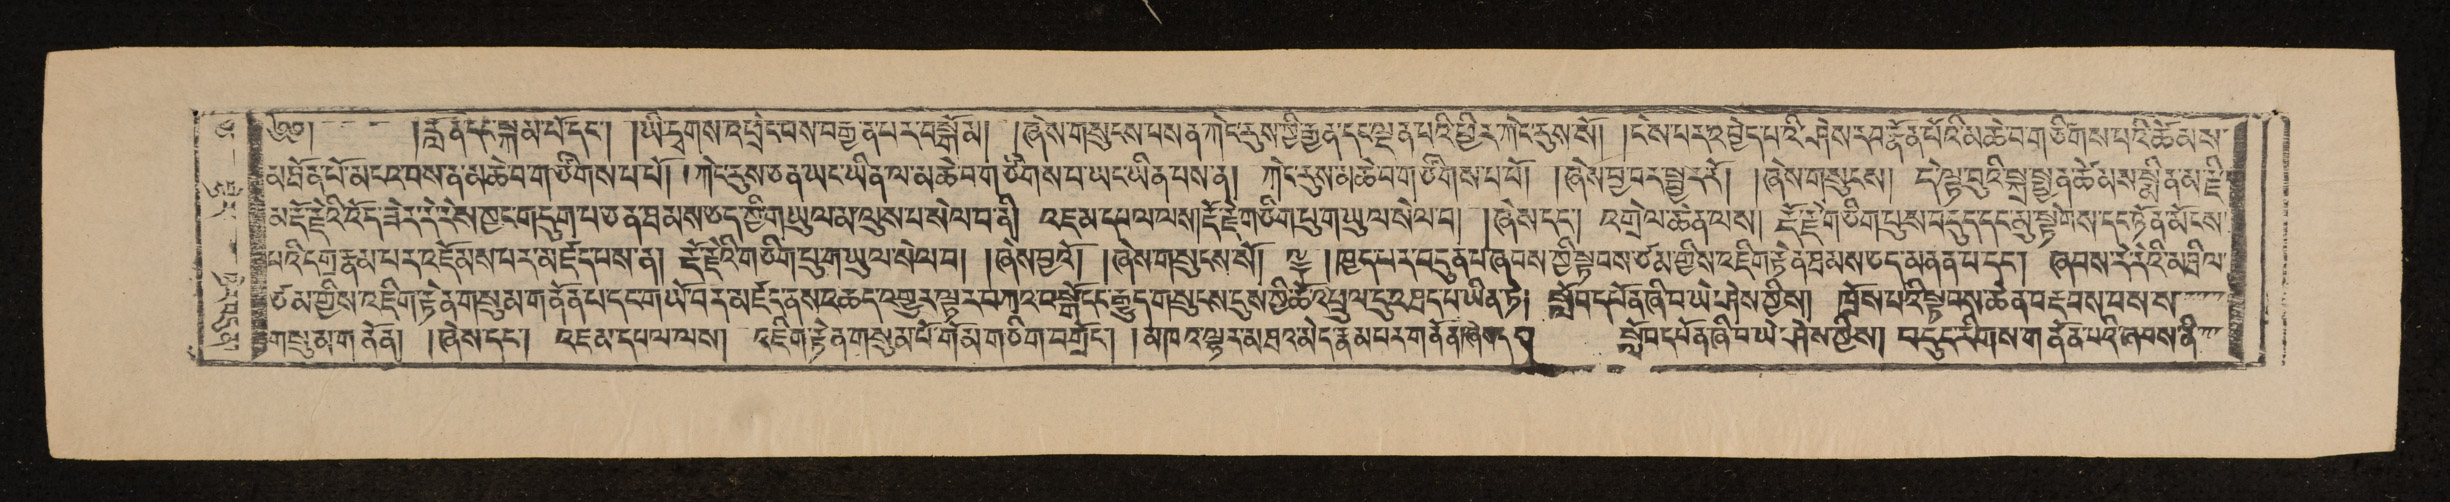༄༅། །རློན་དང་སྐམ་པོ་དང་། །ཡི་དྭགས་འཕྲེང་བས་བརྒྱན་པར་བསྒོམ། །ཞེས་གསུངས་པས་ན་ཀེང་རུས་ཀྱི་རྒྱན་དང་ལྡན་པའི་ཕྱིར་ཀེང་རུས་སོ། །ངེས་པར་འབྱེད་པའི་ཤེས་རབ་རྣོན་པོའི་མཆེ་བ་གཙིགས་པའི་ཚེམས་
མཐོན་པོ་མངའ་བས་ན་མཆེ་བ་གཙིགས་པ་པོ། ཀེང་རུས་ཅན་ཡང་ཡིན་ལ་མཆེ་བ་གཙིགས་པ་ཡང་ཡིན་པས་ན། ཀེང་རུས་མཆེ་བ་གཙིགས་པ་པོ། །ཞེས་བྱ་བར་སྦྱར་རོ། །ཞེས་གསུངས། དེ་ལྟ་བུའི་སྐྲ་སྤྱན་ཚེམས་སྨིན་མ་རྫི་
མ་རྡོ་རྗེའི་འོད་ཟེར་རེ་རེས་ཀྱང་གདུག་པ་ཅན་ཐམས་ཅད་ཀྱི་གཡུལ་མ་ལུས་བ་སེལ་བ་ནི། འཇམ་དཔལ་ལས། རྡོ་རྗེ་གཅིག་པུ་གཡུལ་སེལ་བ། །ཞེས་དང་། འགྲེལ་ཆེན་ལས། རྡོ་རྗེ་གཅིག་པུས་བདུད་དང་མུ་སྟེགས་དང་ཉོན་མོངས་
པའི་དགྲ་རྣམ་པར་འཇོམས་པར་མཛད་པས་ན། རྡོ་རྗེའི་གཅིག་པུ་གཡུལ་སེལ་བ། །ཞེས་བྱའོ། །ཞེས་གསུངས་སོ། ༈ །ཁྱད་པར་བདུན་པ་ཞབས་ཀྱི་སྟབས་ཙམ་གྱིས་འཇིག་རྟེན་ཐམས་ཅད་མནན་པ་དང་། ཞབས་རེ་རེའི་མཐིལ་
ཙམ་གྱིས་འཇིག་རྟེན་གསུམ་མངོན་པ་དང་གཡོ་བར་མཛད་ནས་འཆད་འགྱུར་ལྟར་བཀའ་བསྒོ་དང་རྒྱུད་གསུངས་དུས་ཀྱི་ཆོ་འཕྲུལ་དུ་འཐད་པ་ཡིན་ཏེ། སློབ་དཔོན་ཞི་བ་ཡེ་ཤེས་ཀྱིས། ཁྲོས་པའི་སྟབས་ཆེན་བརྡབས་པས་ས་
གསུམ་གནོན། །ཞེས་དང་། འཇམ་དཔལ་ལས། འཇིག་རྟེན་གསུམ་པོ་གོམ་གཅིག་བགྲོད། །མཁའ་ལྟར་མཐའ་མེད་རྣམ་པར་གནོན། །ཞེས་དང་། སློབ་དཔོན་ཞི་བ་ཡེ་ཤེས་ཀྱིས། བདུད་རིགས་གནོན་པའི་ཞབས་ནི་